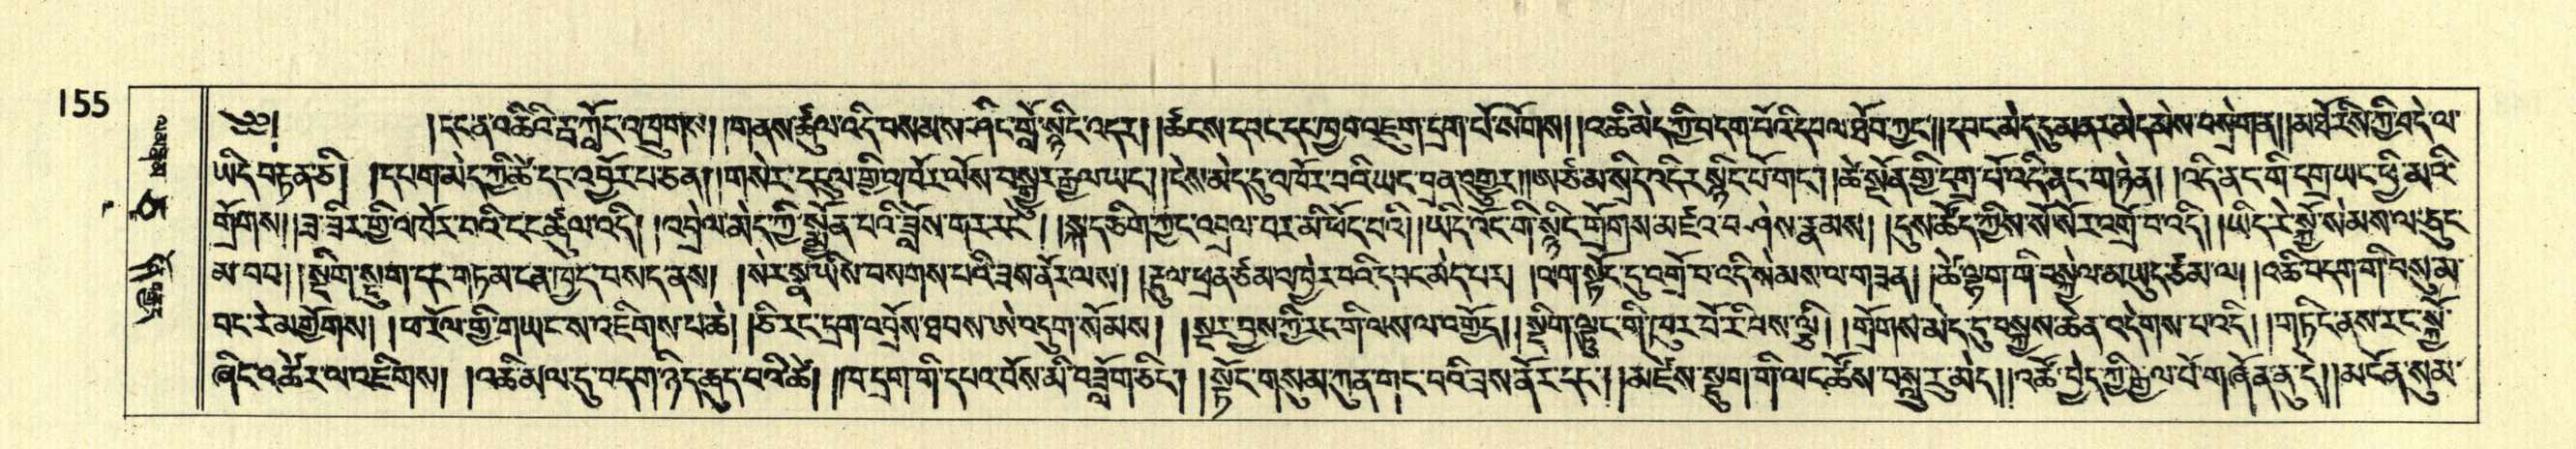༄༅། །དང་ན་འཆིའི་རབ་ཀློང་འཁྲུགས། །གནས་ཚུལ་འདི་བསམས་ཤིང་གློ་སྙིང་འདར། །ཚངས་དབང་དང་ཁྱབ་འཇུག་དྲག་པོ་སོགས། །འཆི་མེད་ཀྱི་བདག་པོའི་དཔལ་ཐོབ་ཀྱང་། །དབང་མེད་དུ་མནར་མེད་མེས་བསྲེག་ན། །མཐོ་རིས་ཀྱི་བདེ་ལ་
ཡིད་བརྟན་ཅི། །དཔག་མེད་ཀྱི་ཚེ་དང་འབྱོར་པ་ཅན། །གསེར་དངུལ་གྱི་འཁོར་ལོས་བསྒྱུར་རྒྱལ་ཡང་། །ངེས་མེད་དུ་འཁོར་བའི་ཡང་བྲན་འགྱུར། །ཨ་ཙ་མ་སྲིད་འདིར་སྙིང་པོ་གང་། །ཚེ་སྔོན་གྱི་དགྲ་པོ་འདི་ནང་གཉེན། །འདི་ནང་གི་དགྲ་ཡང་ཕྱི་མའི་
གྲོགས། །ཟ་ཟིར་གྱི་འཁོར་བའི་ངང་ཚུལ་འདི། །འབྲེལ་མེད་ཀྱི་སྨྱོན་པའི་ཟློས་གར་རང་། །སྐད་ཅིག་ཀྱང་འབྲལ་བར་མི་ཕོད་པའི། །ཡིད་འོང་གི་སྙིང་གྲོགས་མཛའ་བཤེས་རྣམས། །དུས་ཚོད་ཀྱིས་སོ་སོར་འགྲོ་བ་འདི། །ཡིད་རེ་སྐྱོ་སེམས་ལ་ཅུང་
མ་བབ། །སྡིག་སྡུག་དང་གཏམ་ངན་ཁྱད་བསད་ནས། །སེར་སྣ་ཡིས་བསགས་པའི་ཟས་ནོར་ལས། །རྡུལ་ཕྲན་ཙམ་འཁྱེར་བའི་དབང་མེད་པར། །ལག་སྟོང་དུ་འགྲོ་བ་འདི་སེམས་ལ་གཟན། །ཚེ་ལྷག་གི་བསྐྱེལ་མ་ཡུད་ཙམ་ལ། །འཆི་བདག་གི་བསུ་མ་
བང་རེ་མགྱོགས། །ཕ་རོལ་གྱི་གཡང་ས་འཇིགས་པ་ཆེ། །ཅི་རང་དྲག་འབྲོས་ཐབས་ཨེ་འདུག་སོམས། །སྔར་བྱས་ཀྱི་རང་གི་ལས་ལ་འགྱོད། །སྡིག་ལྟུང་གི་ཁུར་པོ་རི་བས་ལྕི། །གྲོགས་མེད་དུ་བསྐྱས་ཆེན་འདེགས་པ་འདི། །གཏིང་ནས་རང་སྐྱོ་
ཞིང་འཚེར་ལ་འཇིགས། །འཆི་མ་ལ་དུ་བདག་ཉིད་ཆུད་པའི་ཚེ། །ཁ་དྲག་གི་དཔའ་བོས་མི་བཟློག་ཅིང་། །སྟོང་གསུམ་ཀུན་གང་བའི་ཟས་ནོར་དང་། །མཛེས་སྡུག་གི་ལང་ཚོས་བསླུ་རུ་མེད། །འཚོ་བྱེད་ཀྱི་རྒྱལ་པོ་གཞོན་ནུ་དེ། །མངོན་སུམ་